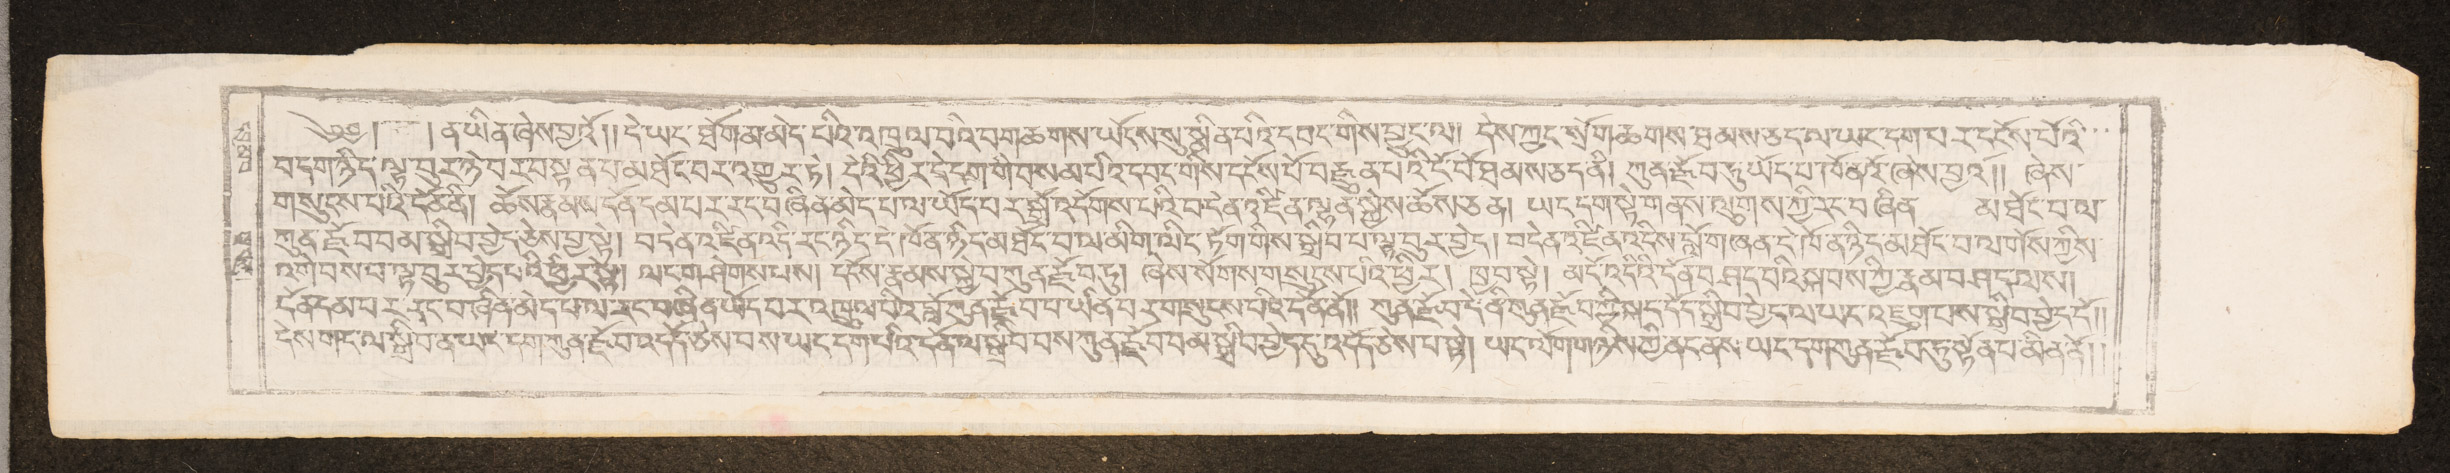༄༅། །ན་ཡིན་ཞེས་བྱའོ། །དེ་ཡང་ཐོག་མ་མེད་པའི་འཁྲུལ་བའི་བག་ཆགས་ཡོངས་སུ་སྨིན་པའི་དབང་གིས་བྱུང་ལ། དེས་ཀྱང་སྲོག་ཆགས་ཐམས་ཅད་ལ་ཡང་དག་པར་དངོས་པོའི་
བདག་ཉིད་ལྟ་བུར་ཉེ་བར་བསྟན་པ་མཐོང་པར་འགྱུར་ཏེ། །དེའི་ཕྱིར་དེ་དག་གི་བསམ་པའི་དབང་གིས་དངོས་པོ་བརྫུན་པའི་ངོ་བོ་ཐམས་ཅད་ནི། ཀུན་རྫོབ་ཏུ་ཡོད་པ་ཁོ་ནའོ་ཞེས་བྱའོ། །ཞེས་
གསུངས་པའི་དོན་ནི། །ཆོས་རྣམས་དོན་དམ་པར་རང་བཞིན་མེད་པ་ལ་ཡོད་པར་སྒྲོ་འདོགས་པའི་ད་དེན་འཛིན་ལྷན་སྐྱེས་ཆོས་ཅན། ཡང་ག་སྟེ་གནས་ལུགས་ཀྱི་རང་བཞིན་མཐོང་བ་ལ་
ཀུན་རྫོབ་པ་བམ་བྱེད་ཅེས་བྱ་སྟེ། བདེན་འཛིན་འདི་རྣ་གཉིད་དེ་ཁོ་ན་ཉིད་མཐོང་བ་ལ་མིག་ལིང་ཏོག་གིས་སྒྲིབ་པ་ལྟ་བུར་བྱེ་དེ་བདེན་འཛིན་འདིས་བློ་གཞན་དེ་ཁོ་ན་ཉིད་མཐོང་བ་ལ་གོས་ཀྱིས་
འགེབས་པ་ལྟ་བུར་བྱེད་པའི་ཕྱིར་སྟེ། ལང་གཞེགས་ལས། དངོས་རྣམས་སྐྱེ་བ་ཀུན་རྫོབ་ཏུ། ཞེས་སོགས་གསུངས་པའི་ཕྱིར་ཁྱབ་སྟེ། མདོ་འདིའི་དོན་བཤད་པའི་སྐབས་ཀྱི་རྣམ་བཤད་ལས།
དོན་དམ་པར་དང་བཞི་ནི་མེད་པ་ལ་རང་བཞིན་ཡོད་པར་འཁྲུལ་བའི་བློ་ཀུན་རྫོབ་པ་ཡིན་པར་གསུངས་པའི་དོན་ནོ།། ཀུན་རྫོབ་དེ་ནི་ཀུན་རྫོབ་ཀྱི་སྐད་དོད་སྒྲིབ་ལ་ཡན་འཇུག་པས་སྒྲིབ་བྱེད་དོ།།
དེས་གནག་ལ་སྒྲིབ་ན་ཡང་དག་ཀུན་རྫོབ་འདོད་ཅེས་བས་ཡན་དག་པའི་དོན་ལ་སྒྲིབ་པས་ཀུན་རྫོབ་བམ་སྒྲིབ་བ་བྱེད་དུ་འདོད་ཅེས་པ་སྟེ། །ཡང་ལོག་གཉིས་ཀྱི་ནང་ནས་ཡང་དག་ཀུན་རྫོབ་ཏུ་སྟོན་པ་ཡིན་ནོ། །